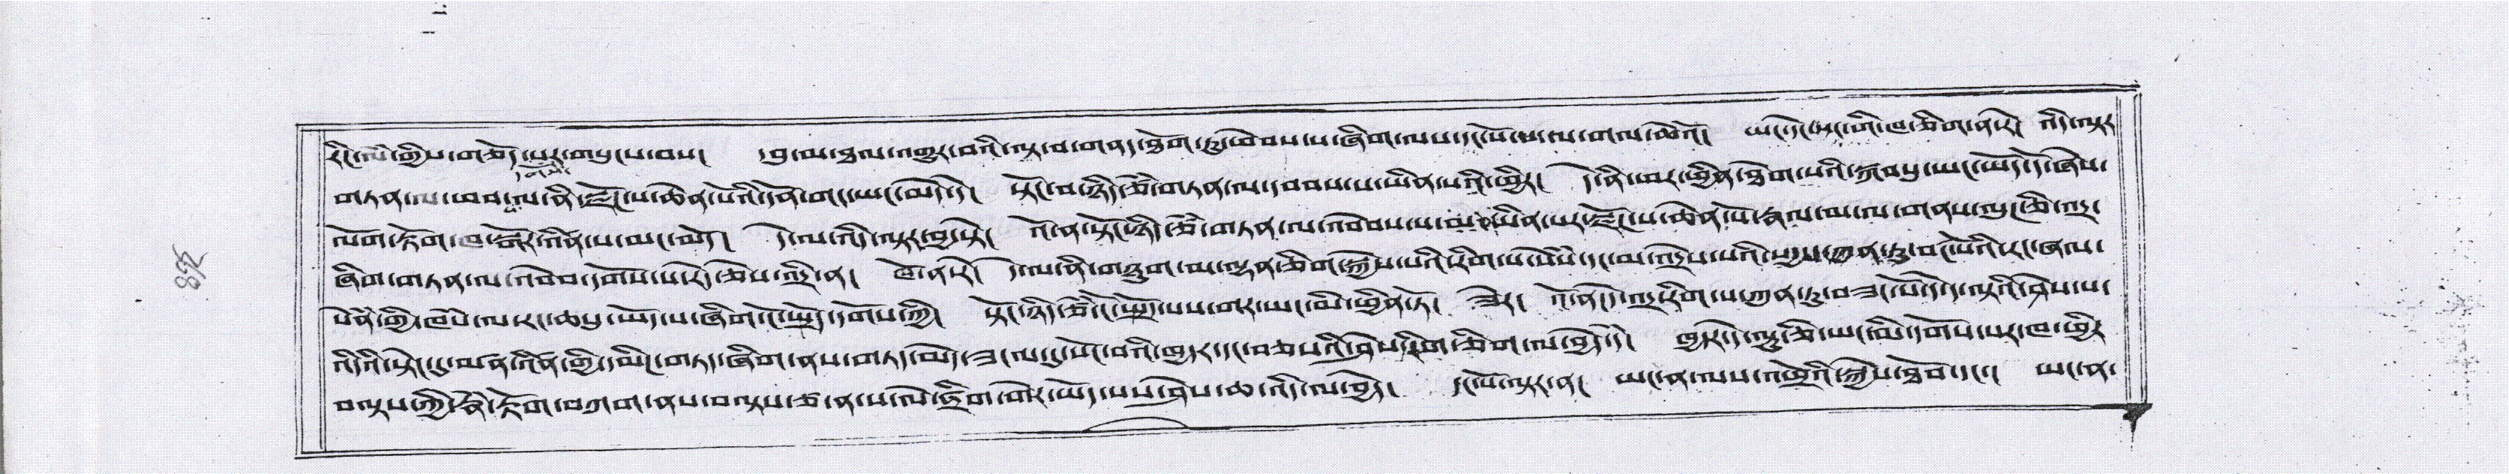རིགས་ལམ་གྱི་གཅོད་དགོས་པར་གསུངས་བས། དབུ་མ་ཐལ་འགྱུར་བའི་ལྟ་བ་གནད་ཐོག་ཏུ་ཕེབས་པ་ཞིག་ལས་དང་པོ་བ་ལ་གལ་ཆེའོ། ཡང་དེང་སང་གི་ཁ་ཅིག་ན་རེ། འདི་ལྟར་
གཏན་ལ་ཕབ་པ་ལ་ནི་རྫོགས་པ་ཆེན་པོའི་དོན་གང་ཡང་མེད་དེ། སྟོང་པ་ཉིད་ཙམ་གཏན་ལ་དབབས་པ་ཡིན་པའི་ཕྱིར། དེ་ནི་ཕར་ཕྱིན་ཐེག་པའི་སྐབས་སུ་ཡང་ཡོད་དོ་ཞེས་
ལོག་རྟོག་ཁ་སྒོར་འཛིན་པ་མང་མོད། དེ་ལ་འདི་ལྟར་བྱ་སྟེ། འོ་ན་སྟོང་ཉིད་ཙམ་གཏན་ལ་འབེབས་པ་མ་ཡིན་པར་རྫོགས་པ་ཆེན་པོ་རྣལ་མ་ལ་གནས་ལུགས་ཅི་འདྲ་
ཞིག་གཏན་ལ་འབེབ་དགོས་པ་རེད་ཅེས་འདྲི་ན། ཁོ་ན་རེ། དེ་ལ་ནི་གཉུག་མ་ལྷན་ཅིག་སྐྱེས་པའི་རིག་པ་སེམས་དང་མ་འདྲེས་པའི་སངས་རྒྱས་ཀུན་ཏུ་བང་སོའི་རང་ཞལ་
སེམས་ཅན་གྱི་ཁམས་ལ་རང་ཆས་སུ་ཡོད་པ་ཞིག་ངོ་སྤྲོད་དགོས་ཀྱི། སྟོང་ཉིད་ཙམ་ངོ་སྤྲོད་པས་གར་ཡང་མི་ཕྱིན་ཏོ་ཟེར། འོ་ན་དེ་འདྲ་རིག་པ་ཀུན་ཏུ་བཟང་པོ་དེ་ད་ལྟའི་ཤེས་པ་
འདིའི་སྟེང་དུ་མཚན་འཛིན་གྱི་དམིགས་གཏད་ཞིག་ནས་གཏད་མེད་ཟང་ཐལ་དུ་སོང་བའི་ཁྱད་པར་དང་བཅས་པའི་ཤེས་རིག་ཅིག་ལ་བྱེད་དེ། ཁྱད་པར་དེ་ལྟ་བུ་ཅི་ཡང་མི་དགོས་པར་ཁ་ཕྱིར་
བལྟས་ཀྱི་རྣམ་རྟོག་བཀག་ནས་བལྟས་ཙ་ན་ས་ལེ་ཧྲིག་གེར་ཡོད་པས་ཤེས་ཆ་འདི་ལ་བྱེད། དང་པོ་ལྟར་ན། ཡང་ན་ལས་འཕྲོའི་སྐྱེས་ཐོབ་དང། ཡང་ན་